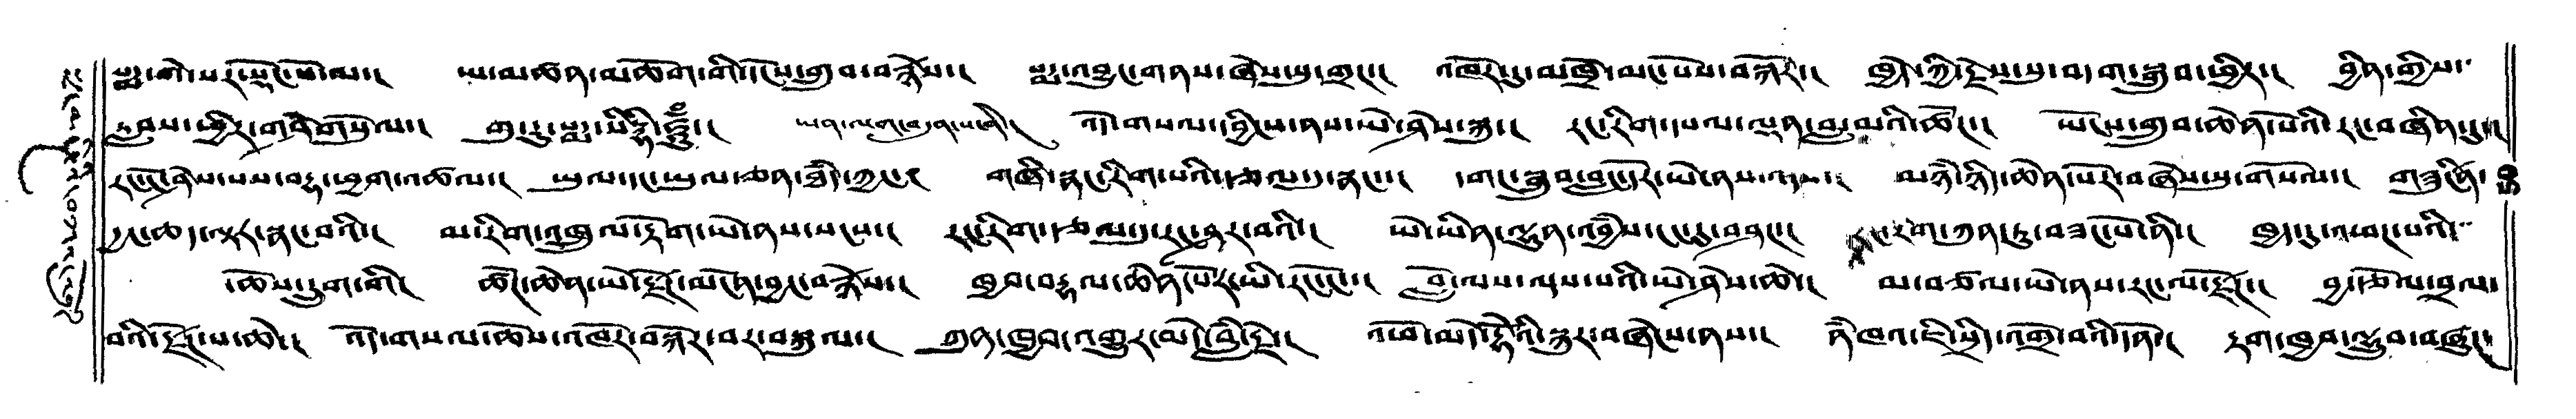།པདྨ་གེ་སར་སྡོང་པོ་ལ། །ཡ་མཚན་མཆོག་གི་དངོས་གྲུབ་བརྙེས། །པདྨ་འབྱུང་གནས་ཞེས་སུ་གྲགས། །འཁོར་དུ་མཁའ་འགྲོ་མང་པོས་བསྐོར། ཁྱེད་ཀྱི་རྗེས་སུ་བདག་སྒྲུབ་ཕྱིར། །བྱིན་གྱིས་
རློབ་ཕྱིར་གཤེགས་སུ་གསོལ། གུ་རུ་པདྨ་སིདྡྷི་ཧཱུྃ། ཡན་ལག་བདུན་པ་ནི། འོད་གསལ་དབྱིངས་ནས་ཡེ་ཤེས་སྐུ། །རང་རིག་དཔལ་ལྡན་བླ་མའི་ཚོགས། །ཡོངས་གྲུབ་ཆེན་པོའི་རང་བཞིན་དུ། །
རང་ངོ་ཤེས་པས་བརྡ་ཕྱག་འཚལ། །ཡུལ་དང་ཡུལ་ཅན་ཐམས་ཅད་ཀྱང་། །གཞི་སྣང་རིག་པའི་རྩལ་དུ་སྣང་། །དགག་སྒྲུབ་བླང་དོར་ཡེ་ནས་འདས། །མཉམ་ཉིད་ཆེན་པོར་བཞེས་སུ་གསོལ། །གཟུང་འཛིན་
རྒྱང་ཆད་ལྟར་སྣང་བའི། །མ་རིག་འཁྲུལ་རྟོག་ཡེ་ནས་སངས། །རང་རིག་རྩལ་དུ་རང་ཤར་བའི། །ཡེ་ཡིན་ལྷུན་འབྱམས་ངང་དུ་བཤགས། །རང་རིག་ཀུན་ཏུ་བཟང་པོ་ནི། ཁྱད་དུ་འཕགས་པའི་
ཆོས་དྲུག་གི །ཚོགས་ཆེན་ཡེ་རྫོགས་མངོན་བྱང་བརྙེས། ཁྱབ་བརྡལ་ཆེན་པོར་ཡི་རང་ངོ། །བློ་ལས་འདས་པའི་ཡེ་ཤེས་ཆེ། །མ་བཙལ་ཡེ་ནས་རང་ལ་རྫོགས། །བྱ་རྩོལ་བྲལ་
བའི་རྫོགས་པ་ཆེ། །འོད་གསལ་ཆོས་འཁོར་བསྐོར་བར་སྐུལ། །ཀུན་ཁྱབ་འགྱུར་མེད་བླ་མ་རྗེ། །འཕོ་མེད་རྡོ་རྗེའི་སྐུར་བཞེངས་ནས། །ནམ་མཁའ་ཇི་སྲིད་འགྲོ་བའི་དོན། །རྟག་ཁྱབ་ལྷུན་གྲུབ་བཞུགས་